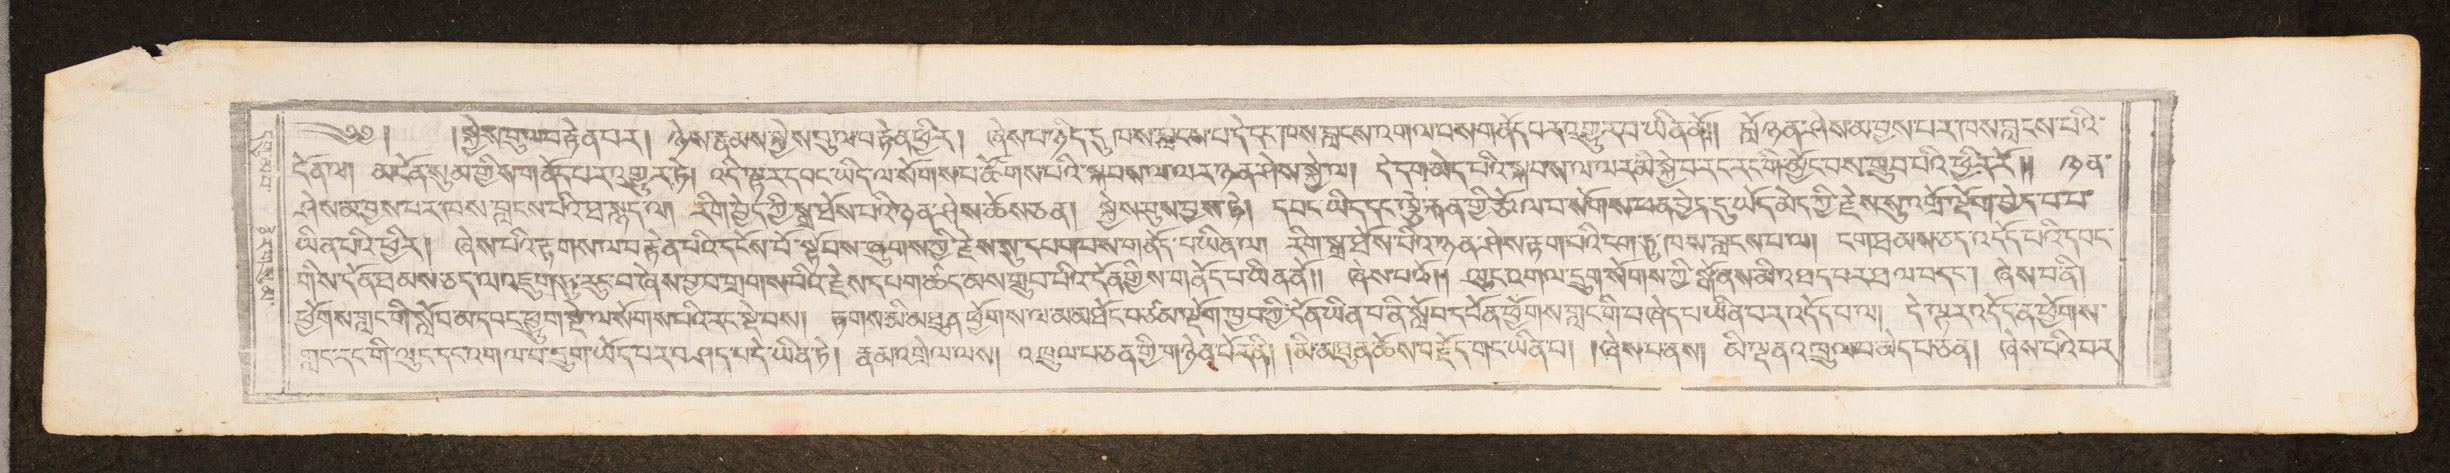༄༅། །སྐྱེས་བུ་ལ་བརྟེན་པར། ཉེས་རྣམས་སྐྱེས་བུ་ལ་བརྟེན་ཕྱིར། ཞེས་པ་ཉིད་དུ་ཁས་བླངས་པ་དེ་དང་ཁས་བླངས་འགལ་བས་གནོད་པར་འགྱུར་བ་ཡིན་ནོ།། བློ་ཉན་ཤེས་མ་བྱས་པར་ཁས་བླངས་པའི་
དོན་ལ། མངོན་སུམ་གྱིས་གནོད་པར་འགྱུར་ཏེ། འདི་ལྟར་དབང་ཡིད་ལ་སོགས་པ་ཚོགས་པའི་སྐབས་ལ་ལར་ཉན་ཤེས་སྐྱེ་ལ། དེ་དག་མེད་པའི་སྐབས་ལ་ལར་མི་སྐྱེ་བ་རང་རང་གི་མྱོང་བས་གྲུབ་པའི་ཕྱིར་རོ།། ཉན་
ཤེས་མ་བྱས་པར་ཁས་བླངས་པའི་ཐ་སྙད་ལ། རིག་བྱེད་ཀྱི་སྒྲ་ཐོས་པའི་ཉན་ཤེས་ཆོས་ཅན། སྐྱེས་བུས་བྱས་ཏེ། དབང་ཡིད་དང་ལྕེ་རྐན་གྱི་རྩོལ་བ་སོགས་ཕན་བྱེད་དུ་ཡོད་མེད་ཀྱི་རྗེས་སུ་འགྲོ་ལྡོག་བྱེད་པ་པ་
ཡིན་པའི་ཕྱིར། ཞེས་པའི་རྟགས་ལ་བརྟེན་པའི་དངོས་བོ་སྟོབས་ཞུགས་ཀྱི་རྗེས་སུ་དཔག་པས་གནོད་པ་ཡིན་ལ། རིག་སྒྲ་ཐོས་པའི་ཉན་ཤེས་རྟག་པའི་ངག་ཏུ་ཁས་བླངས་པ་ལ། ངག་ཐམས་ཅད་འདོད་པའི་དབང་
གིས་དོན་ཐམས་ཅད་ལ་འཇུག་ཏུ་རུང་བ་ཞེས་བྱ་བ་གྲགས་པའི་རྗེས་དཔག་ཚད་མས་གྲུབ་པའི་དོན་གྱིས་གནོད་པ་ཡིན་ནོ།། ཞེས་པའོ།། ལུང་འགལ་དྲུག་སོགས་ཀྱི་སྒོ་ནས་མི་འཐད་པར་ཐལ་བ་དང་། ཞེས་པ་ནི།
ཕྱོགས་གླང་གི་སློབ་མ་དབང་ཕྱུག་སྡེ་ལ་སོགས་པའི་རང་སྡེ་བས། རྟགས་མི་མཐུན་ཕྱོགས་ལ་མ་མཐོང་བ་ཙམ་ལྡོག་ཁྱབ་ཀྱི་དོན་ཡིན་པ་ནི་སློབ་དཔོན་ཕྱོགས་གླང་གི་བཞེད་པ་ཡིན་པར་འདོད་པ་ལ། དེ་ལྟར་འདོད་ན་ཕྱོགས་
གླང་རང་གི་ལུང་དང་འགལ་བ་དྲུག་ཡོད་པར་བཤད་པ་དེ་ཡིན་ཏེ། རྣམ་འགྲེལ་ལས། འཁྲུལ་པ་ཅན་གྱི་གཉེན་པོར་ནི། །མི་མཐུན་ཆོས་བརྗོད་གང་ཡིན་པ། །ཞེས་པ་ནས། མི་ལྡན་འཁྲུལ་བ་མེད་པ་ཅན། ཞེས་པའི་བར་